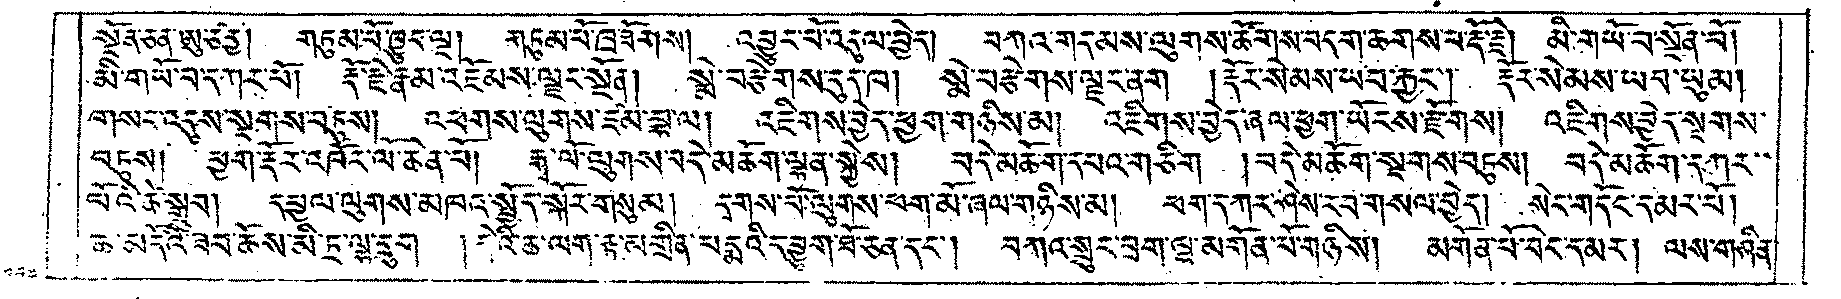སྔོན་ཅན་ཨུ་ཙརྱ། གཏུམ་པོ་ཁྱུང་ལྔ། གཏུམ་པོ་ཁྲ་ཐོགས། འབྱུང་པོ་འདུལ་བྱེད། བཀའ་གདམས་ལུགས་ཚོགས་བདག་ཆགས་པ་རྡོ་རྗེ། མི་གཡོ་བ་སྔོན་པོ།
མི་གཡོ་བ་དཀར་པོ། རྡོ་རྗེ་རྣམ་འཇོམས་ལྗང་སྔོན། སྨེ་བརྩེགས་དུད་ཁ། སྨེ་བརྩེགས་ལྗང་ནག །རྡོར་སེམས་ཡབ་རྐྱང་། རྡོར་སེམས་ཡབ་ཡུམ།
གསང་འདུས་སྔགས་བཏུས། འཕགས་ལུགས་ཛམ་བྷ་ལ། འཇིགས་བྱེད་ཕྱག་གཉིས་མ། འཇིགས་བྱེད་ཞལ་ཕྱག་ཡོངས་རྫོགས། འཇིགས་བྱེད་སྔགས་
བཏུས། ཕྱག་རྡོར་འཁོར་ལོ་ཆེན་པོ། རྒ་ལོ་ལུགས་བདེ་མཆོག་ལྷན་སྐྱེས། བདེ་མཆོག་དཔའ་གཅིག །བདེ་མཆོག་སྔགས་བཏུས། བདེ་མཆོག་དཀར་
པོའི་ཚེ་སྒྲུབ། དཔྱལ་ལུགས་མཁའ་སྤྱོད་སྐོར་གསུམ། དྭགས་པོ་ལུགས་ཕག་མོ་ཞལ་གཉིས་མ། ཕག་དཀར་ཤེས་རབ་གསལ་བྱེད། སེང་གདོང་དམར་ཕོ།
ཆ་མདོའི་ཟབ་ཆོས་མི་ཏྲ་ལྷ་དྲུག །དེའི་ཆ་ལག་རྟ་མགྲིན་པདམའི་དབྱུག་ཐོ་ཅན་དང་། བཀའ་སྲུང་བྲག་ལྷ་མགོན་པོ་གཉིས། མགོན་པོ་བེང་དམར། ལས་གཤིན་